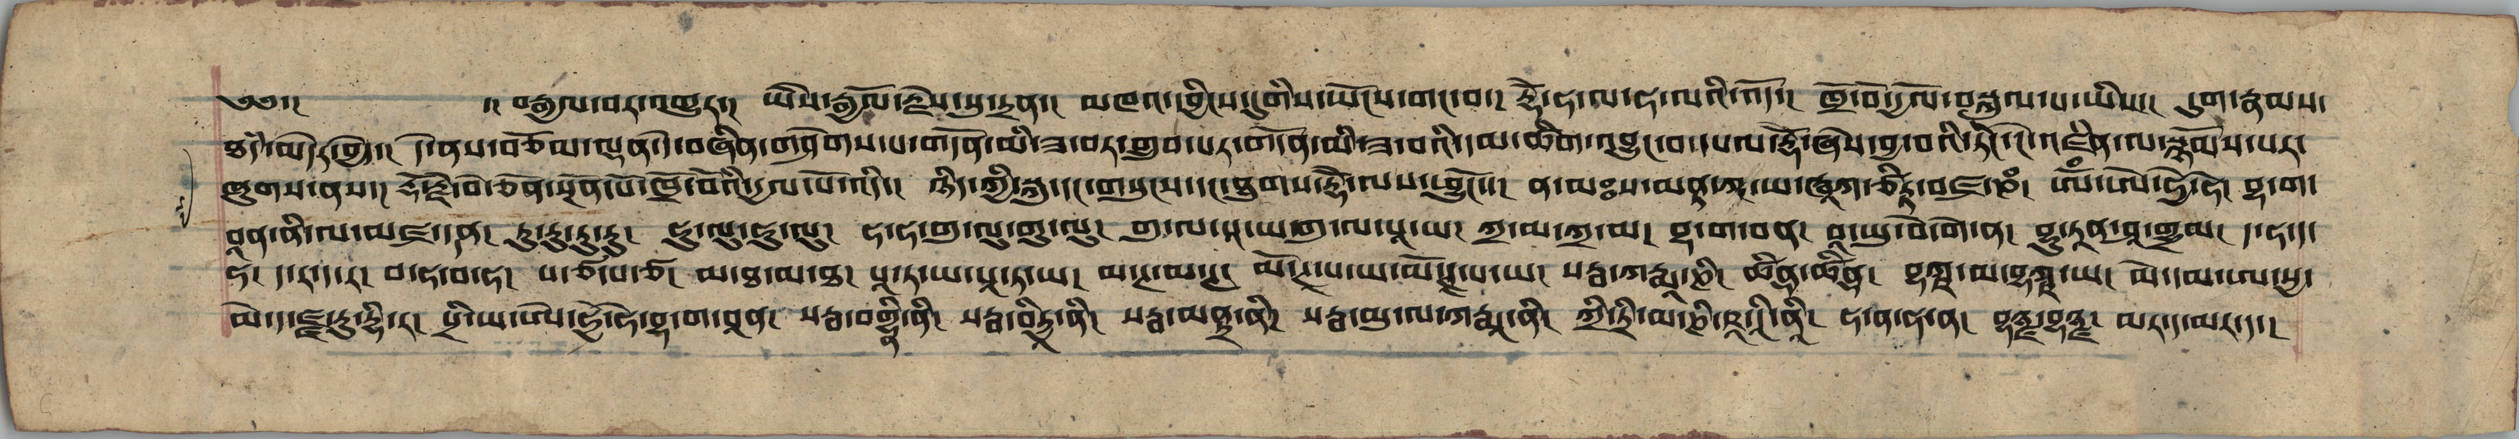༄༅་། ་།བརྒྱལ་བར་འགྱུར་། ཡཻས་རྒྱལོ་རྗེས་སུ་དྲན་། མཁའ་དབྱིངས་དུགིས་ཡོངས་གང་བ་། རྡོེ་ཧ་ལ་ཧ་ལའི་འོད་། ཁྲོ་བོ་དྱལོ་བསྐུལ་པ་ཡིས་། དུག་རྣམས་
ཐཾད་མེདར་བྱེད་། དེ་ནས་བཅོམ་ལྡན་དེ་བཞིན་གཤེགས་པ་གདོན་མི་ཟ་བར་གྲུབ་པར་གདོན་མི་ཟ་བའི་དམ་ཚིག་འབྱུང་བ་དཔལ་རྡོེ་ཞེས་བྱ་བའི་ཏིང་ངེ་འཛིན་ལ་སྙོམས་པར་
ཞུགས་ནས་། རྡོ་རྗེ་བེ་ཅོན་སྔོན་པོ་ཁྲོ་བོའི་དྱལ་པོ་འདི་། ཉིད་ཀྱི་སྐུ་དང་གསུངས་དང་ཐུགས་རྡོེ་ལས་ཕྱུངོ་་། ན་མཿས་མནྟ་ཀཱ་ཡ་ཝཱཀ་ཙིཏྟ་བཛྲ་ཎཾ། ཨོཾ་ཨེ་ཧྱེ་ཧེ། བྷ་ག་
བཱན་ནི་ལ་མཛྲ་དནྡ། རུ་རུ་རུ་རུ། ཧུ་ལུ་ཧུ་ལུ། ཧ་ཧ་གུ་ལུ་གུ་ལུ། གུ་ལ་པཱ་ཡ་གུ་ལ་པཱ་ཡ། ཀྲ་མ་ཀྲ་མ། བྷ་ག་བན། བཱ་ཡུ་བེ་གེ་ན། བྷུ་ཏཱན་ཤཱ་གྷྲམ། ད་ཧ་ད་
ཧ། ད་ར་ད་ར། བ་ཧ་བ་ཧ། པ་ཙ་པ་ཙ། མ་ཐ་མ་ཐ། པཱ་ཏ་ཡ་པཱ་ཏ་ཡ། མ་ཊ་མ་ཊ། མོ་ཊཱ་པ་ཡ་མོ་ཊཱ་པ་ཡ། སརྦ་ཀརྨཱ་ཎི། ཚིནྡ་ཚིནྡ། བྷཀྵ་མ་བྷཀྵ་ཡ། མེ་དམ་ཨ་སྱ་
མེ་ད་ཛྫ་རུ་དྷི་ར། པྲི་ཡ་ཨེ་ཧྱེ་ཧེ་བྷ་ག་བཱན། སརྦ་བགྷི་ནི། སརྦ་བིཏྱ་ནི། སརྦ་མནྟྲ་ནི། སརྦ་མུ་ལ་ཀརྨཱ་ནི། ཀྲི་ཏྲི་མ་ཎི་ཥཱ་དཱི་ནཱི། ཧ་ན་ཧ་ན། བྷཉྫ་བྷཉྫ། མར་ད་མར་ད་།